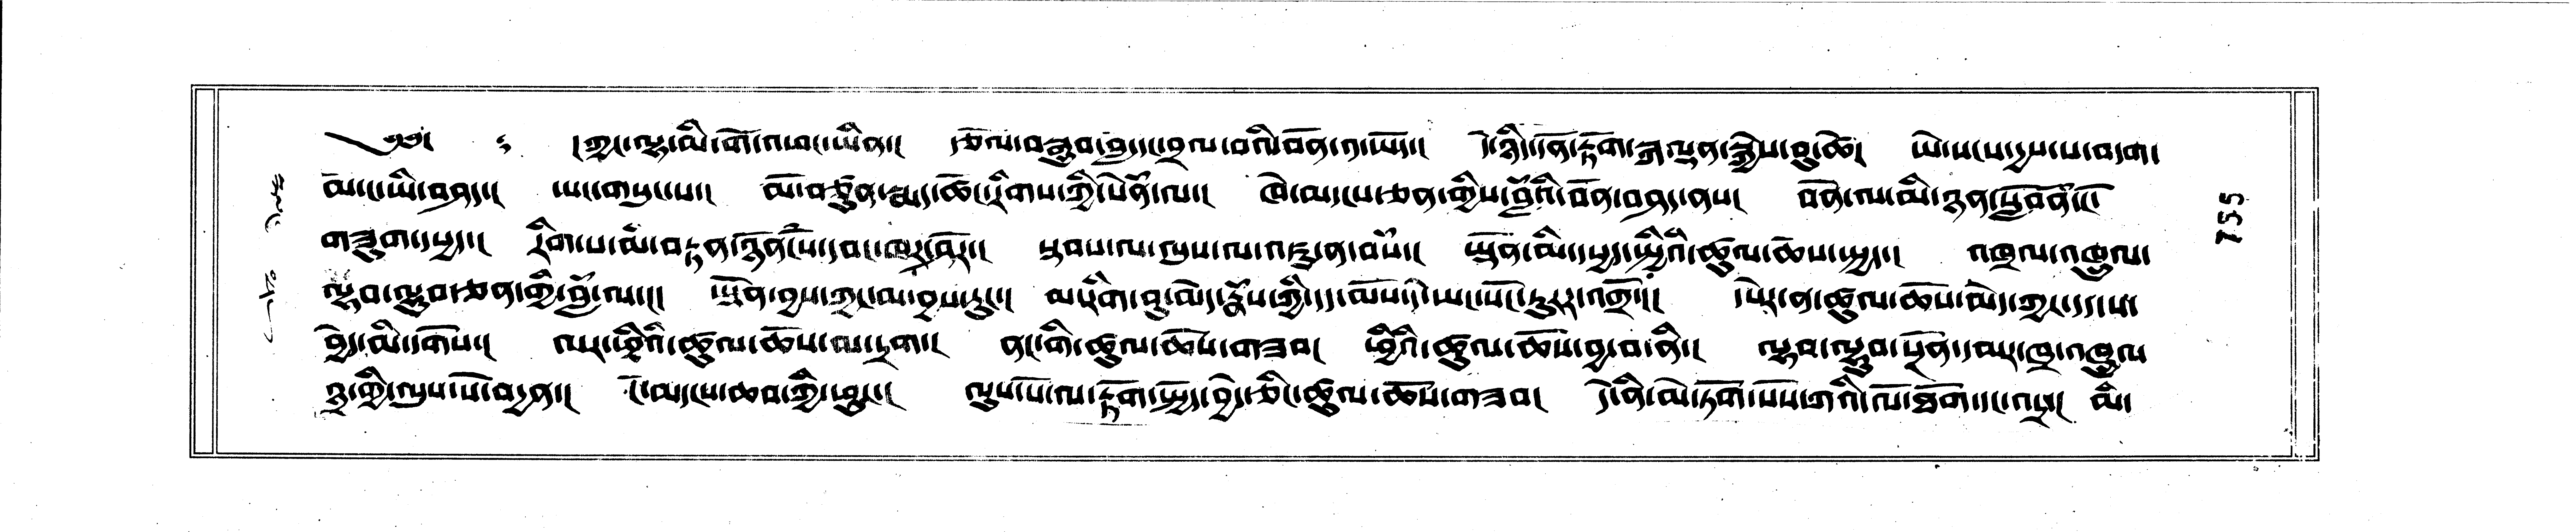ཀྱང་ལྷ་མི་༼མིའི༽གོ་འཕང་ཡིན། རྩོལ་སྒྲུབ་བློ་དང་བྲལ་བའི་བོན་ཅིག་ཡོད། དེ་ཉིད་དོན་རྟོགས་སྐལ་ལྡན་སྐྱེས་བུ་ཚོ། །ཡེ་སངས་རྒྱས་པ་བདག་
མོ་ང་ཡིས་བཤད། ཡང་གསུངས་པ། མོ་བཙུན་སྨད་ཚོང་རིགས་ཀྱི་སེམས་ཅན་ལ། ཁེ་མདངས་ཅན་གྱི་བླ་མས་བོན་བཤད་ན། བོན་ལ་མི་ཉན་སློབ་དཔོན་ངོ་
གཟུགས་དཔྱད། རིག་པ་མི་བརྟན་ཉོན་མོངས་དབང་ཁར་ཤོར། སྟབས་ལ་ལུས་ལ་འཇུ་ན་བསམ། ཡོན་ཏན་མི་དཔྱད་སྤྱིའི་༼ཕྱིའི༽ཚུལ་འཆོས་སྤྱད། འཁྲ་འཁྲུལ་
ལྷབ་ལྷུབ་ཅན་གྱི་བླ་མ་ལ། ཡོན་ཏན་བྱས་ཀྱང་མ་བྱས་རུང་། མ་རིག་བུད་མེད་རྣམས་ཀྱིས་དད་‘དད་མོས་སྐྱེ་’མོས་དེ་ཡང་སོང་རྒྱུར་རྩར་འགྲོ། དཔེར་ན་ཚུལ་འཆོས་མེད་ཀྱང་དད་པ་
བྱེད་མི་དགོས། ལར་ཕྱིའི་ཚུལ་འཆོས་མ་དྲག་ནང་གི་ཚུལ་ཆོས་གཟབ། ཕྱིའི་ཚུལ་འཆོས་བྱ་བ་ནི། ལྷབ་ལྷུབ་སྔོན་དམར་འཁྲ་འཁྲུལ་
གསུམ་གྱིས་ལུས་པོ་བརྒྱན། ངོ་མདངས་ཆབ་ཀྱིས་ཕྱུང་། ལུས་པོ་ལ་རྟོག་སྤྱོད་དཔྱོད་བྱེད་ཅིང་ཚུལ་ཆོས་གཟབ། དེ་ནི་མེ་ཏོག་སོས་ཀའི་ལོ་ཐོག་དང་འདྲ། མི་